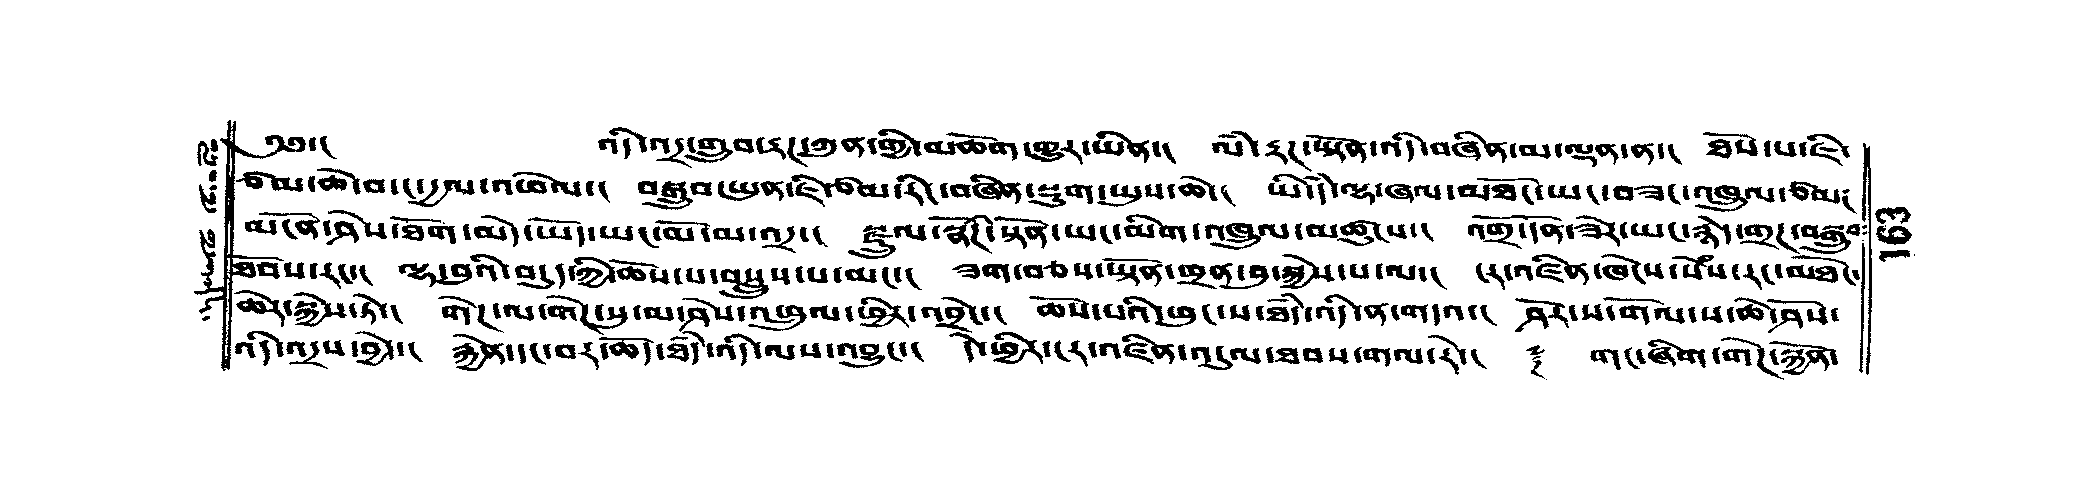།འདི་འདྲ་གྲུབ་རྟགས་ཀུན་གྱི་མཆོག་གྱུར་ཡིན། །ལམ་རྟགས་ཡོན་ཏན་འདི་བཞིན་མ་ལྡན་ན། །ཐོས་པ་ཇི་
ཙམ་ཆེ་བ་ང་རྒྱལ་འཕེལ། །བསྒྲུབ་ཡུན་ཇི་ཙམ་རིང་བཞིན་སྡུག་ཡུས་ཆེ། །ཡི་དམ་ལྷ་ཞལ་མཐོང་ཡང་བཟང་འཁྲུལ་ཙམ། །
མངོན་ཤེས་ཐོགས་མེད་ཡོད་ཀྱང་མོ་མ་འདྲ། །རྫུ་འཕྲུལ་སྣ་ཚོགས་སྟོན་ཡང་མིག་འཁྲུལ་མཚུངས། །འགྲོ་དོན་ཟེར་ཡང་རྙེད་གྲགས་བསྒྲུབ་
ཐོབས་རང་། །ལྷ་བུའི་བདུད་ཀྱི་ཆོས་པ་བསླུས་པ་མང། །ཟག་བཅས་ཡོན་ཏན་ཕྲན་བུ་སྐྱེས་པ་ལ། །ངར་འཛིན་ཁེངས་སེམས་རང་མཐོང་
ཆེར་སྐྱེས་ཏེ། །གེགས་ལ་གེགས་སུ་མ་ཤེས་འཕྲུལ་ཕྱིར་འབྲོང་། །ཆོས་པའི་ཕུང་ས་ཐམས་ཅད་འདི་ན་གདའ། །ཤོར་ས་གོལ་ས་ཆེ་ཤོས་
འདི་འདྲས་བྱེད། །རྐྱེན་དང་བར་ཆོད་ཐམས་ཅད་འདི་ལས་འབྱུང། །དེ་ཕྱིར་ངར་འཛིན་འདུལ་ཐབས་གལ་རེ་ཆེ། ༈ གང་ཞིག་གེགས་སྐྱོན་